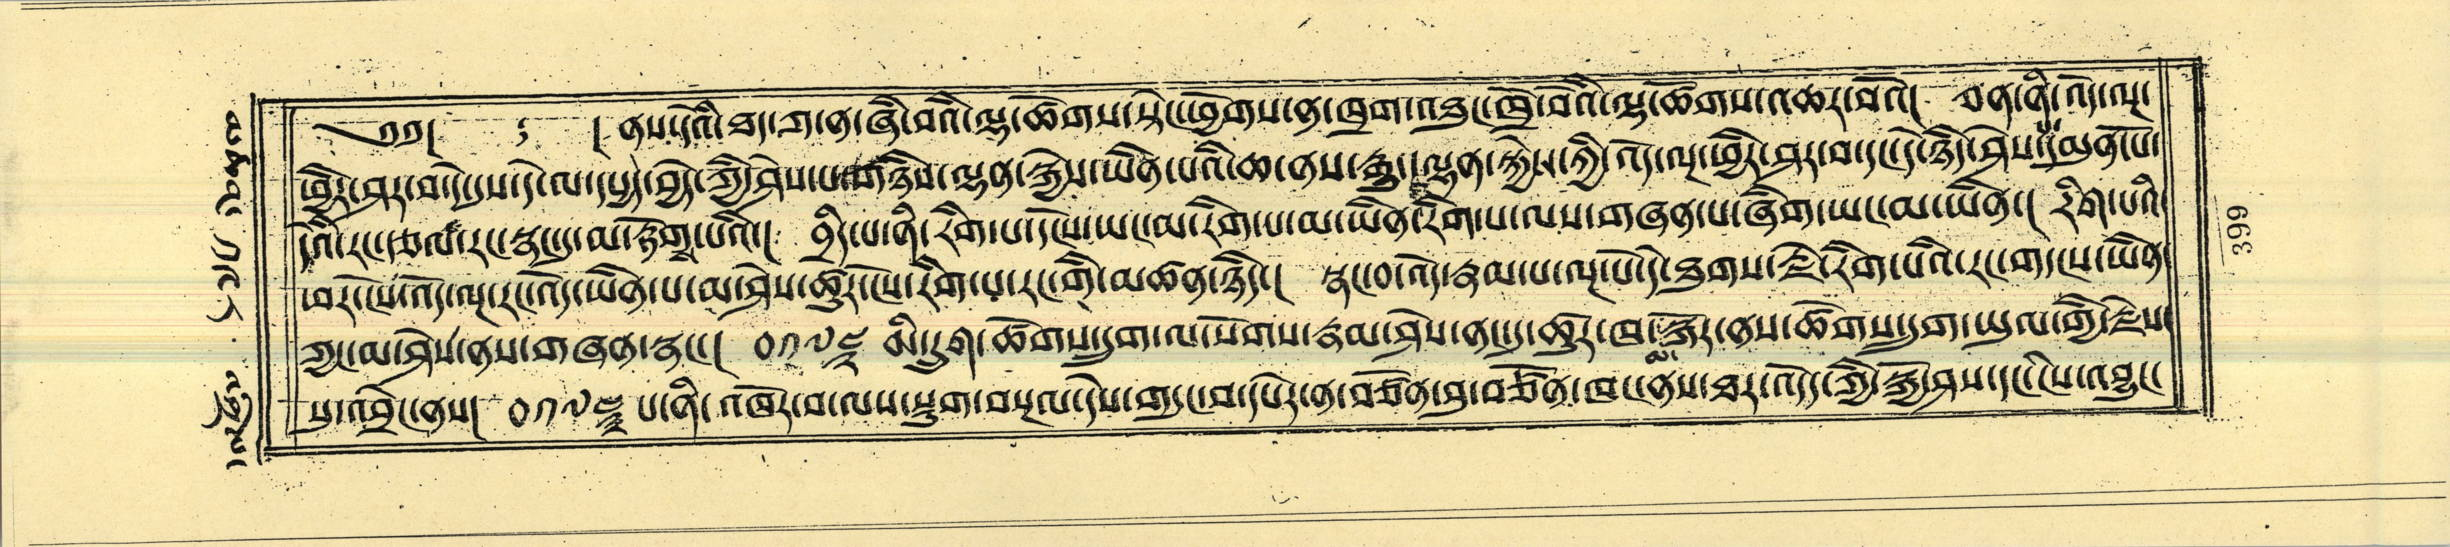ནས་དེའི་ཐད་ཀ་ན་ཞི་བའི་ལྷ་ཚོགས་སྟེང་ཕྱོགས་ན་ཁྲག་འཐུང་ཁྲོ་བོའི་ལྷ་ཚོགས་འཆར་བའི། ༼ཅན་ནི་༽འོད་ལྔ་
ཕྱིར་ཤར་བ་དེ་དུས་དེ་ལ་དཔྱད་བྱེད་ཀྱི་ཤེས་པ་གཉིས་ལྷན་སྐྱེས་ཡིན་པའི་ཆ་ནས་རྒྱུ་ལྷན་སྐྱེས་ཀྱི་འོད་ལྔ་ཕྱིར་ཤར་བ་དང་དེ་ཉིད་ཤེས་པ་དམུན་པོ་
དེའི་རང་རྩལ་རང་སྣང་དུ་མ་རྟོགས་པའི། བྲིད་པ་ནི་རིག་པ་དངོས་ཡང་མ་རིག་པ་མ་ཡིན་རིག་པ་ལས་གཞན་པ་ཞིག་ཡང་མ་ཡིན། རིག་པའི་
ཕར་ངོས་འོད་ལྔ་རང་འོད་ཡིན་པ་མ་ཤེས་ཚུལ་ངོས་རིག་པ་རང་གི་མཚན་ཉིད། སྣང་བ་འོད་རྣམ་པ་ལྔ་པོ་དེ་ཐུགས་རྗེ་རིག་པའི་རང་གདངས་ཡིན་
ཀྱང་མ་ཤེས་ནས་གཞན་སྣང། བ༡༧༤།༢ མི་དྲུག་ཚོགས་དྲུག་ལ་སོགས་རྣམ་ཤེས་ནང་དུ་ཚུར་ཁ་མ་སྐོར་ནས་ཚོགས་དྲུག་ཡུལ་གྱི་རྗེས་
སུ་འབྲེང་ནས། བ༡༧༤།༣ ༼པ་ནི་༽འཁོར་བ་ལས་སྡུག་བསྔལ་དེས་གདུང་བ་དཔེར་ན་བཙོན་བུ་བཙོན་ཁང་ནས་ཐར་འདོད་ཀྱི་སྐྱོ་ཤས་དང་ངེས་འབྱུང་